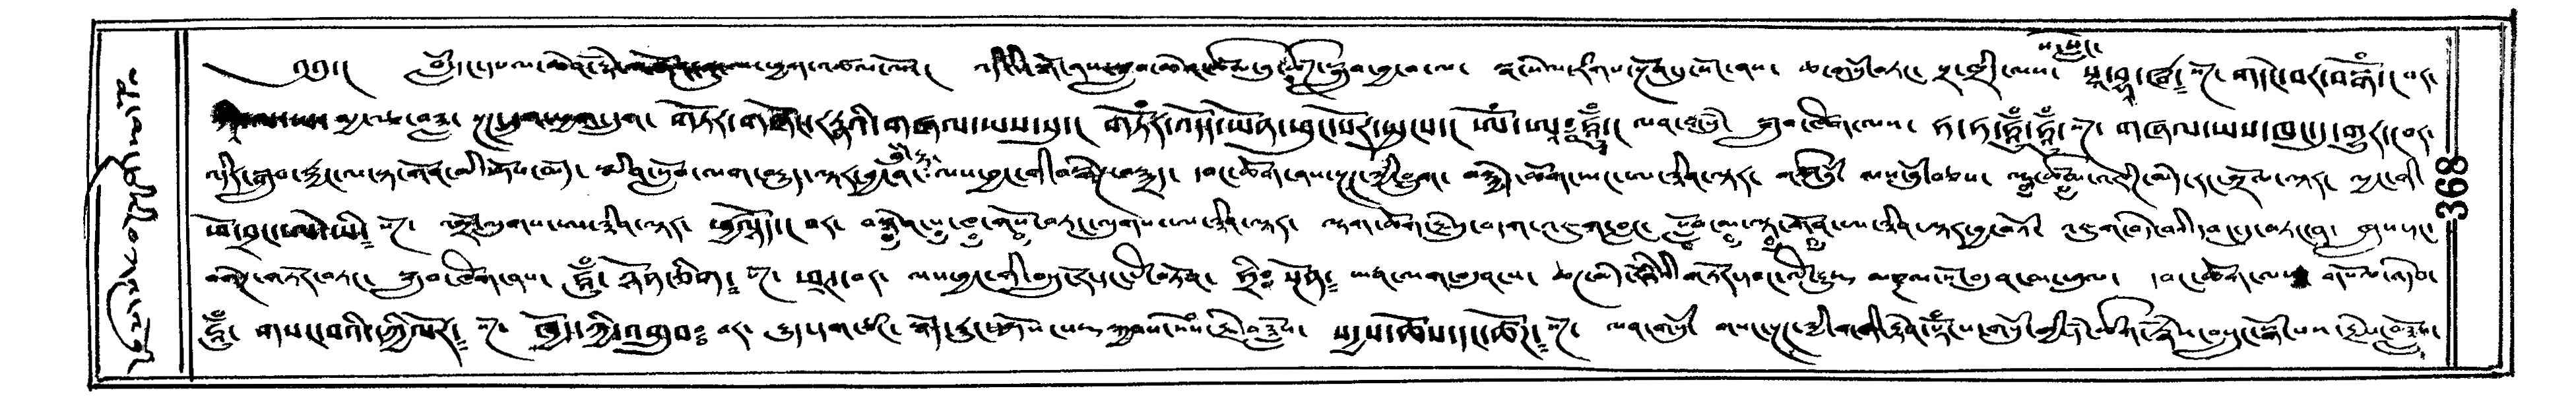༄༅། བླ་མ་དང་དཔལ་ཆེན་རྡོ་རྗེ་གཞོན་ནུ་ལ་ཕྱག་འཚལ་ལོ། འདིའི་སྒོ་ནས་སྒྲུབ་ཆེན་ཚོམ་བུ་ཚོགས་སྒྲུབ་བྱ་བ་ལ། སྣ་སེལ་རིགས་སྔོན་དུ་སོང་ནས། ཆ་གསུམ་བཏང་། པྲ་ཁྲིད་ལས། ས་སློང་། སྭ་བྷཱ་ཝ༴ སོགས། གདེངས་བར་བསྒོམ་བར། 
ཀཱི་ལ་ཡ༴ བརྒྱ་རྩ་བཟླ། སྔགས་དྲུག་ཕྱག་དྲུག གཏོར་གཞོང་རཏྣའི་གཞལ་ཡས་སུ། །གཏོར་མ་འདོད་ཡོན་ཕུང་པོར་སྤུངས། ཨོཾ་ཨཱཿཧཱུྃ། ལན་གསུམ། སྒྲུབ་ཁོག་ལས། ཧ་ཧ་ཧཱུྃ་ཧཱུྃ། སོགས། གཞལ་ཡས་ཁང་དུ་གྱུར། བར་
འདིར་སྒྲུབ་རྐྱང་ལ་སྟ་གོན་མི་དགོས་མོད། སྨིན་སློབ་ལག་བརྒྱུན་ལྟར་བྱ་ན་བུམ་སྟ། ལས་བྱང་གི་བགེགས་བསྐྲད། དབང་ཆོག་ནས་སྔགས་ཀྱི་བླུག བསྐྱེད་ཆོག་ཡང་ཨ་ཟིན་ལྟར། གཙོ་བུམ་ལས་བུམ་བཅས། ལྷ་ཚོམ་འཇིགས་མེད་རང་གྲོལ་ལྟར། ཡང་གསང་གི 
ཕོ་བྲང་ཨེ་ཡི༴ སོགས། འགྲོ་ལུགས་ཨ་ཟིན་ལྟར། ཕྱག་འཚལ་བསྟཽད། བར། བསྙེན་པ་ཁ་གསོ་བཏང་ལུགས་ཡ་ཟིན་ལྟར། ལྷག་ཆོག་རྗེས་སུ་བདག་འཇུག་བླང་། སློབ་མ་ལྷ་གོན་ཨ་ཟིན་ལྟར་བྱ་བའམ། འཇུག་བདེ་བའི་དབང་དུ་བཏང་ན། ཁྲུས་དང་
བགེགས་གཏོར་བཏང་། སྒྲུབ་ཁོག་ནས། ཧཱུྃ༔ ཉོན་ཅིག༴ སོགས། ཕཊཿ བར། ལས་བྱང་གི་བསྲུང་འཁཽར་དང་པོ་བཏོན། ཧྲཱིཿསྔོན༴ ཡན་ལག་བདུན་པ། ཆགས་མེད་རིན་པོ་ཆེའི་གཏོར་དབང་ལོ་རྒྱུས། མཎྜལ་སོ་བདུན་མ་ཕུལ། དབང་ཆོག་ལ་གསོལ་འདེབས། 
ཧཱུྃ༔ གསང་བའི་དཀྱིལ་འཁོར༴ སོགས། ཁྱོད་ཀྱིས་འགྲུབ༔ བར། རྒྱུད་དག་ཅིང་སྣོད་རུང་དགོས་པས་སྐྱབས་སེམས་རྗེས་བཟློས། སངས་རྒྱས་ཆོས་དང་ཚོགས༴ སོགས་ལན་གསུམ། གསང་སྔགས་ཀྱི་གཞི་རྟེན་སྡོམ་པ་གསུམ་གྱི་དམ་ཚིག་རྣམས་བསྲུང་སྙམ་པས་རྗེས་བཟློས།